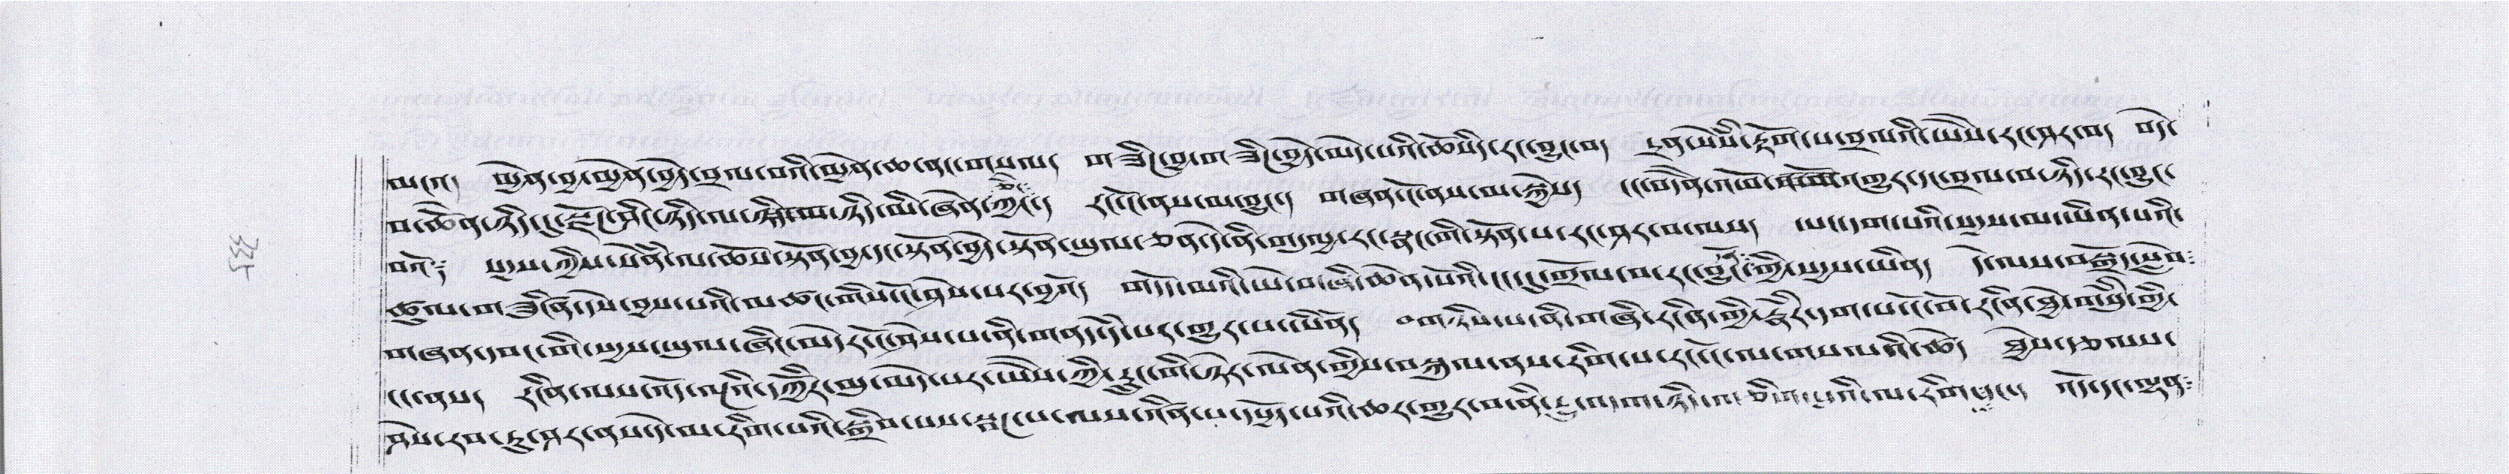མངའ། མཁྱེན་བྱ་མཁྱེན་བྱེད་བྲལ་བའི་མཁྱེན་ཆ་ནང་གསལ། གཟིགས་བྱ་གཟིགས་བྱེད་མེད་པའི་ཆོས་ཉིད་རང་བྱུང་བ། དྲན་སེམས་རྟོག་པ་བྲལ་བའི་ཡེ་ཤེས་རང་ཤར་བ། བདེ་
བ་ཆེན་པོ་ཉིད་དུ་རྫོགས་ཤིང་ཉིད་ལ་ཉིད་མི་ཞེན་ཅིང། རང་ངོ་ནས་མ་བྱུང། གཞན་ངོ་ནས་མ་སྐྱེས། ངང་བདེ་ཆེན་འཕོ་འགྱུར་དང་བྲལ་བ་ཉིད་རང་བྱུང་
བའོ། སངས་རྒྱས་ཀྱིས་སེམས་ཅན་ལ་ཆོས་སྟོན་བྱ་དང་སྟོན་བྱེད་སྟོན་ཡུལ་ཅན་དེ་ནི་གདུལ་བྱ་རང་སྣང་གི་སྟོན་པ་རང་ཤར་བ་ལས། ཡང་དག་པའི་སངས་རྒྱས་མ་ཡིན་པའི་
ཚུལ་གཟུང་འཛིན་དེས་བྱས་པའི་མཚང་གིས་ངོ་ཤེས་པར་བྱའོ། གདོད་མའི་ཡེ་གཞི་ཆེན་པོའི་ངང་དུ་གྲོལ་བ་རང་བྱུང་དོན་གྱི་སངས་རྒྱས་ཡིན། དེ་ལས་བསྒྲོད་སླེབ་
གཞན་དབང་གི་སངས་རྒྱས་ཡུལ་ཞིང་མེད་པར་ངོ་ཤེས་པ་ནི་གནད་དམ་པར་གྱུར་བ་ཡིན་ནོ། གཉིས་པ་ནི་གཞི་རང་བཞིན་གྱི་རྣམ་པར་དག་པ་ངོ་བོ་རང་བཞིན་ཐུགས་རྗེ་གསུམ་གྱི་
ངང་ནས། རང་བཞིན་ལས་འོད་ལྔའི་དཀྱིལ་འཁོར་མུ་མེད་པར་ཡེ་ཤེས་ཀྱི་རླུང་གི་ཉེར་ལེན་གྱིས་བསྐུལ་ནས་རིག་པ་རང་ངོ་ལ་གསལ་བའི་ཚེ། ཐུགས་རྗེ་རྩལ་ལས་
ཤེས་རབ་ཏུ་ཤར་ནས་དེ་མ་རིག་པའི་སྒྲིབ་པས་སྦགས་པ་ལས་འཛིན་པ་དཔྱོད་པའི་ཆར་གྱུར་བ་ནི་རྒྱུ་བདག་ཉིད་གཅིག་པུའི་མ་རིག་པ་དང། འོད་དང་ལྷན་